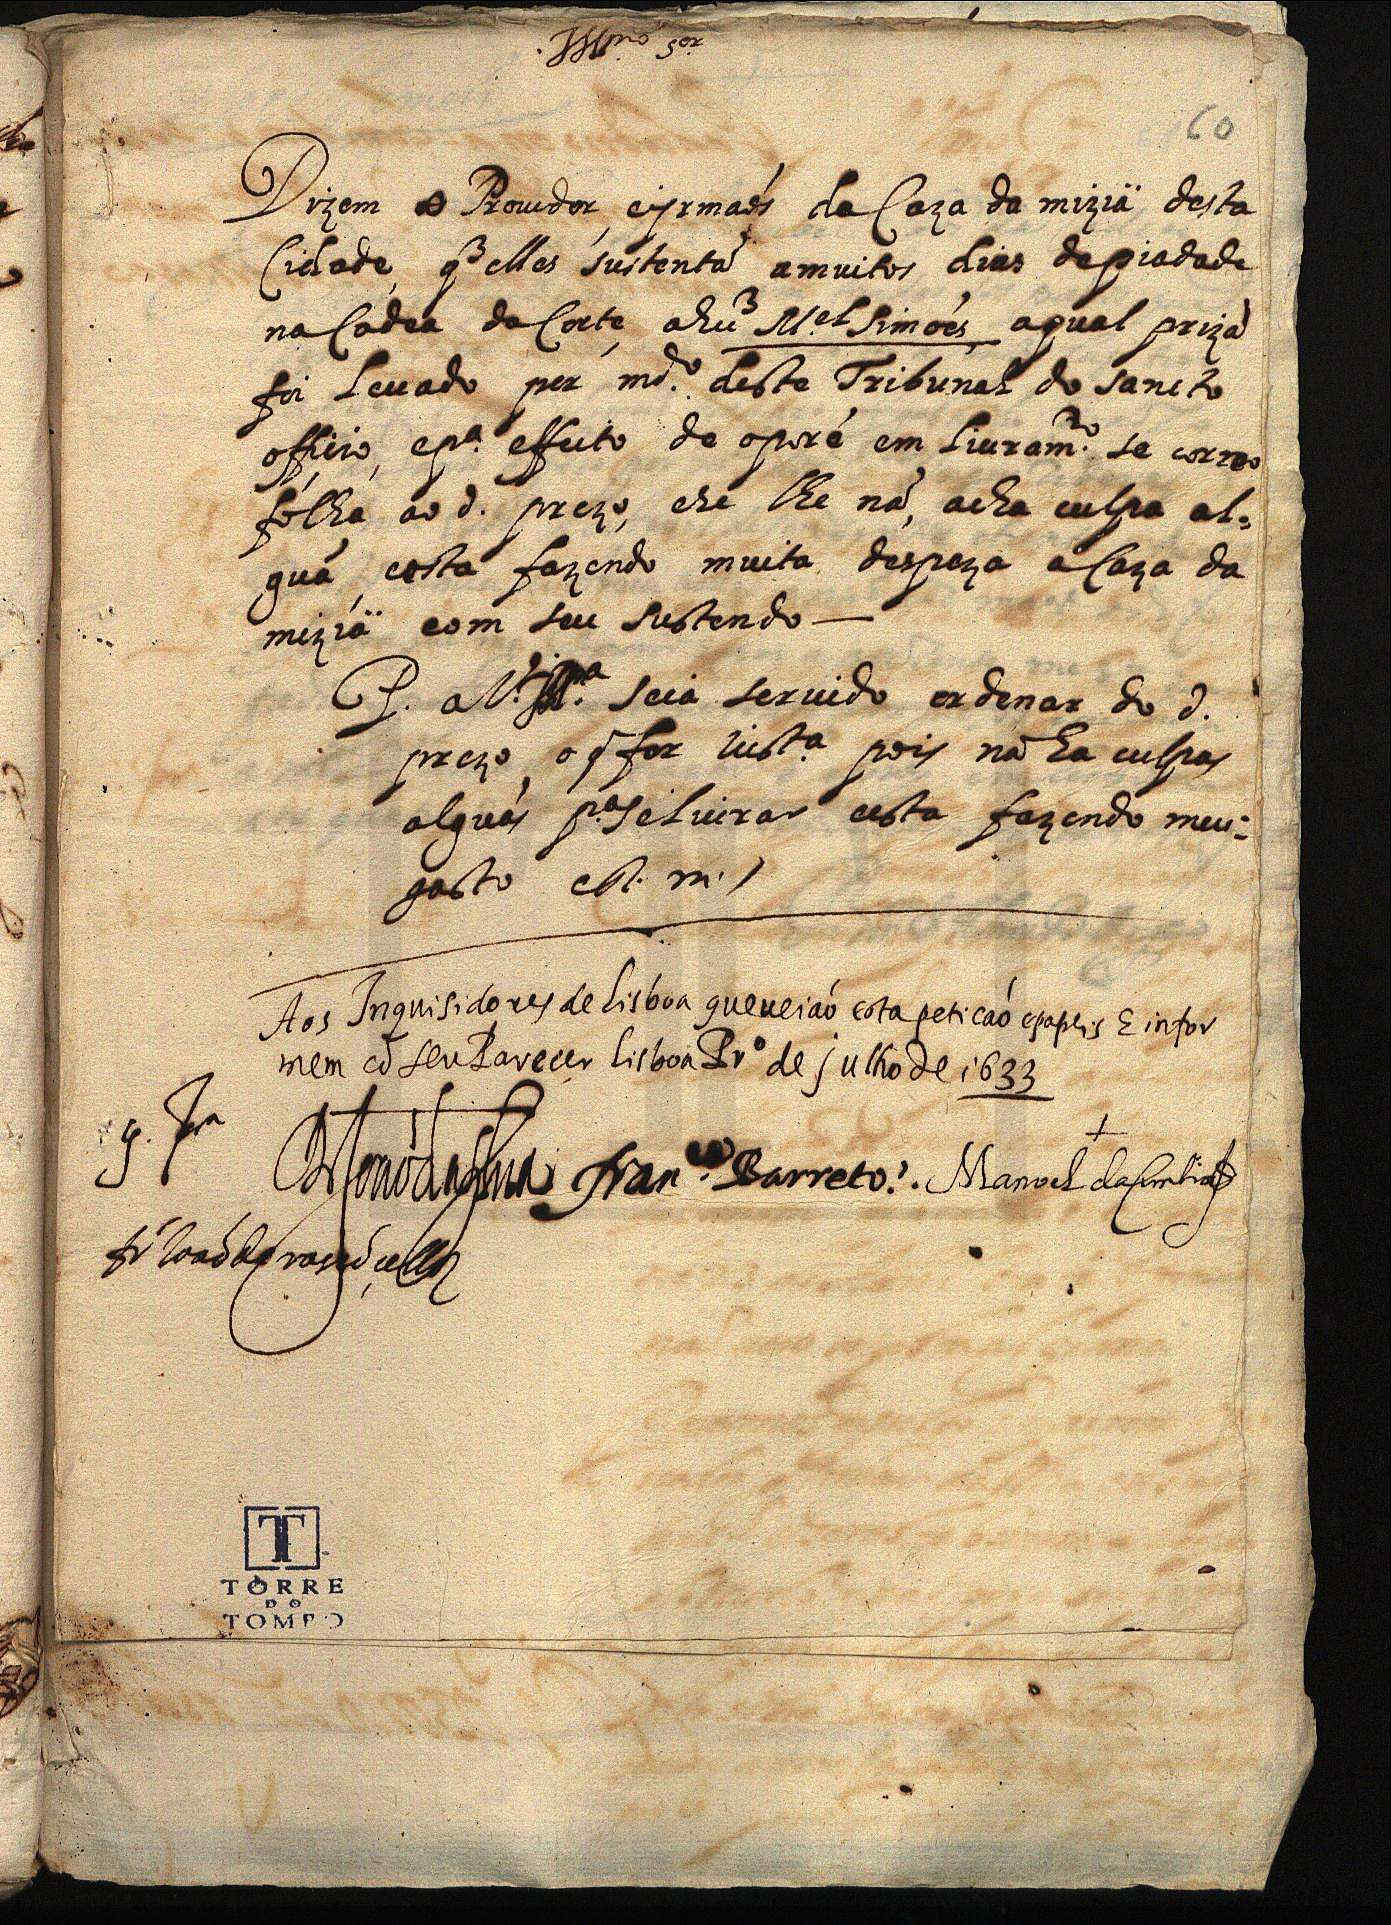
Ill.mo s.or
Dizem o Prouedor, e jrmaõs da Caza da miziā desta
Cidade, q̄ elles sustentaõ a muitos dias de piadade
na Cadea da Corte, a hū M.el Simoẽs, a qual prizaõ
foi leuado per md.o deste Tribunal do sancto
offiçio, e p.a effeito de o porē em Liuram.to se correo
folha ao d. prezo, e se lhe naõ, acha culpa al
guā, e esta fazendo muita despeza a Caza da
miziā com seu sustendo
P. a V. Jllm.a seia seruido ordenar do d.
prezo o q̄ for iust.a pois naõ ha culpas
alguās p.a se liurar e esta fazendo mui
gasto e R. m. /
Aos Inquisidores de Lisboa que ueiaõ esta petição e papeis E infor
mem cō seu Parecer Lisboa Pro de julho de i633
